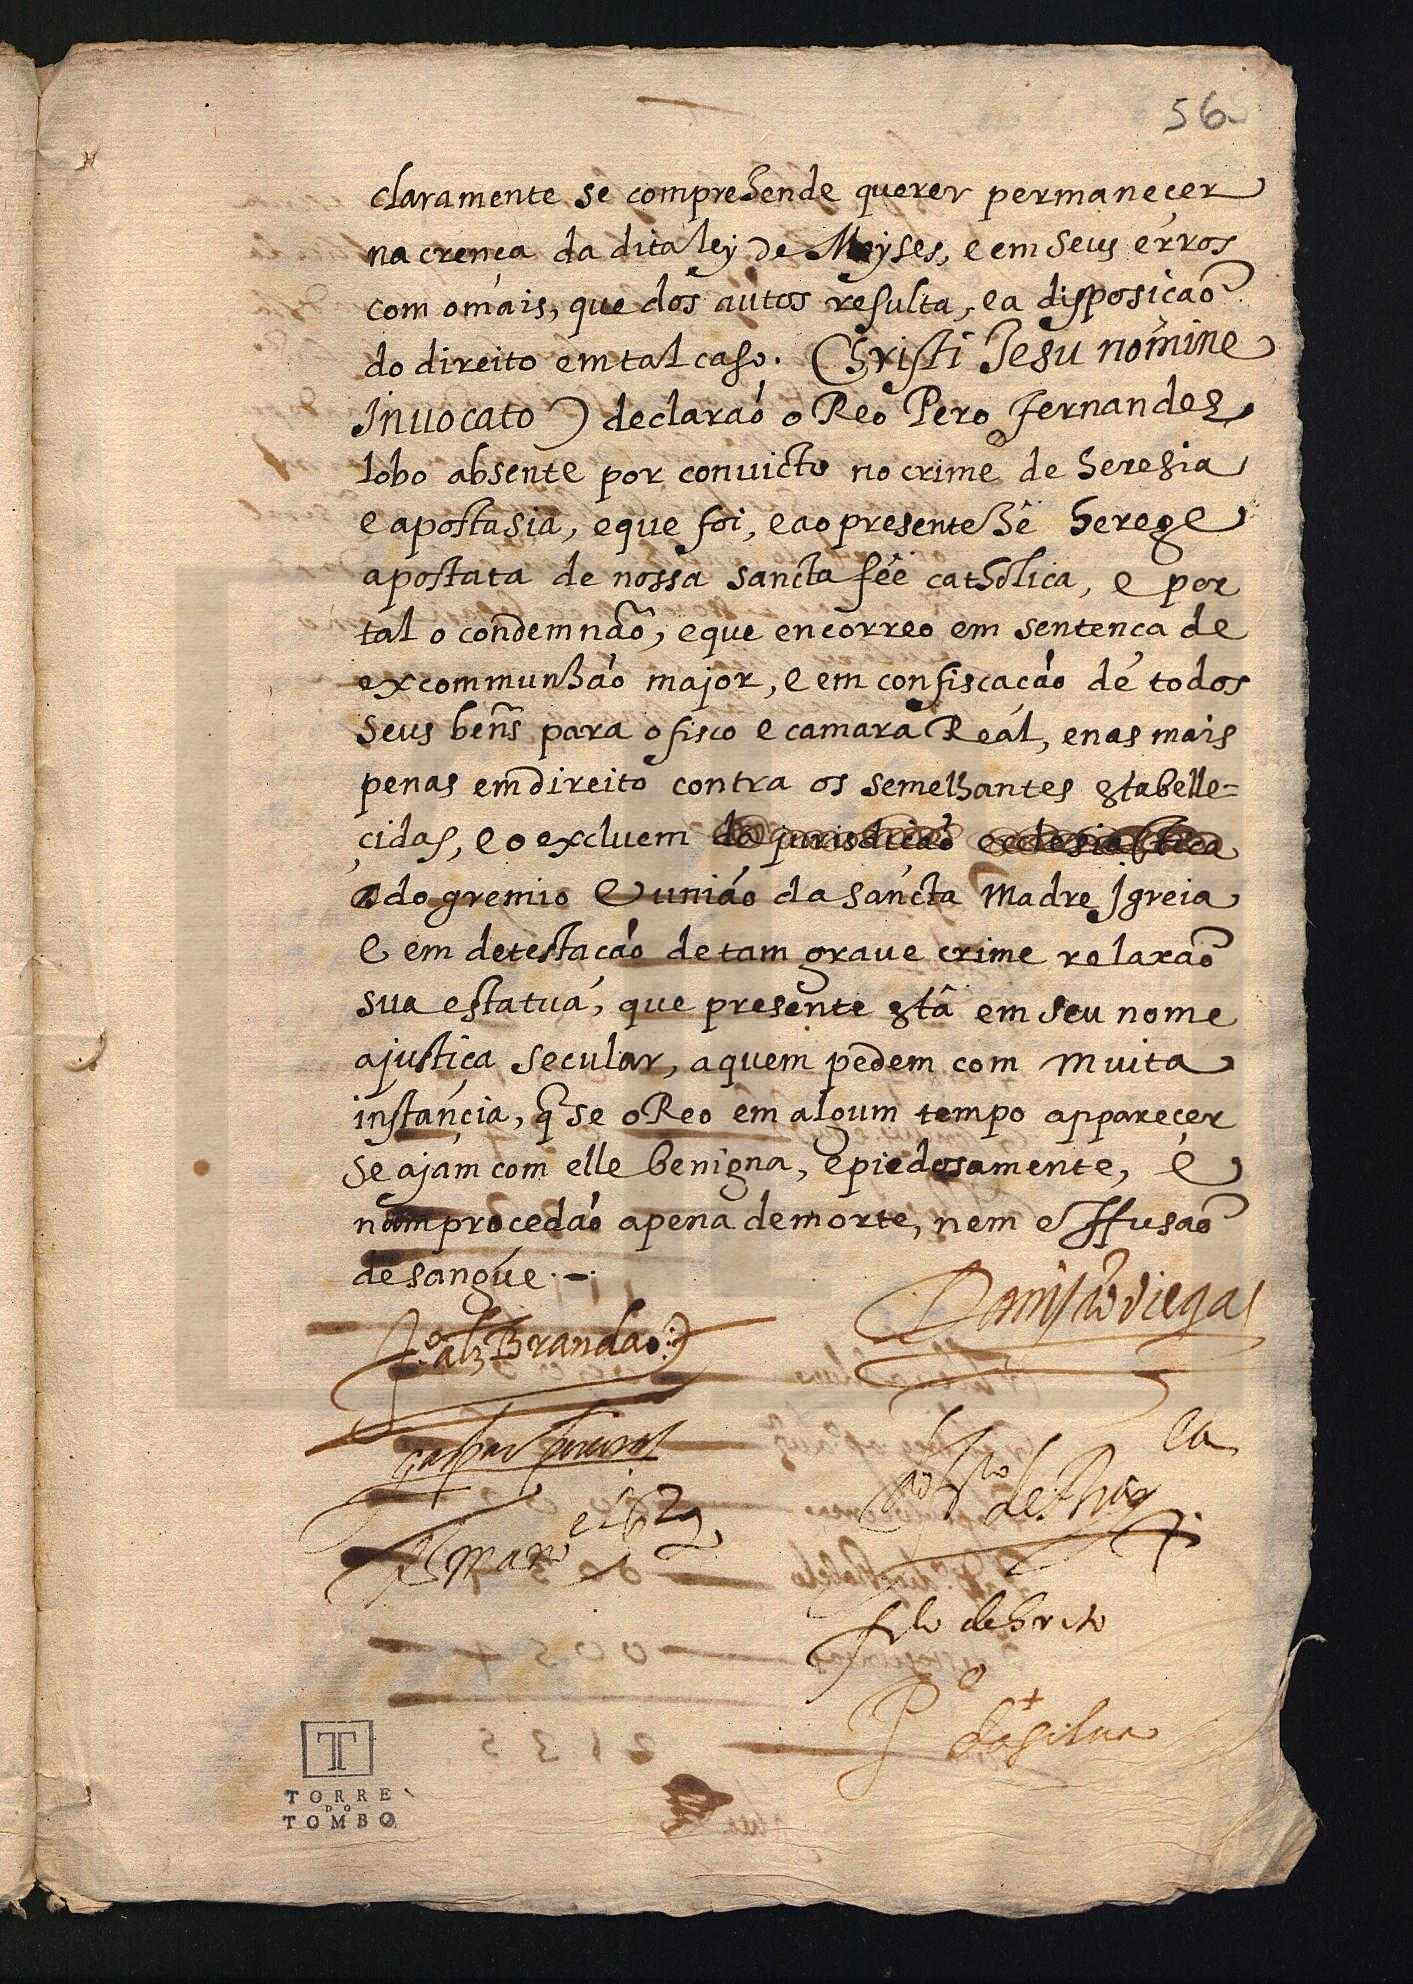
claramente se comprehende querer permanecer
na crença da dita ley de Moyses, e em seus erros
com o mais, que dos autos resulta, e a disposição
do direito em tal caso. Christi Jesu nomine
Inuocato) declaraõ o Reo Pero fernandes
lobo absente por conuicto no crime de heresia
e apostasia, e que foi, e ao presente hé herege
apostata de nossa sancta feé catholica, e per
tal o condemnão, e que encorreo em sentença de
excommunhão major, e em confiscação de todos
seus ben̄s para o fisco e camara ReaL, e nas mais
penas em direito contra os semelhantes estabelle
cidas, e o excluem
do gremio e união da sancta madre Jgreia
e em detestação de tam graue crime relaxão
sua estatua, que presente está em seu nome
a justiça secular, a quem pedem com muita
instancia, q̄ se o Reo em algum tempo apparecer
se ajam com elle benigna, e piedosamente, e
nam procedão a pena de morte, nem effusão
de sangue
